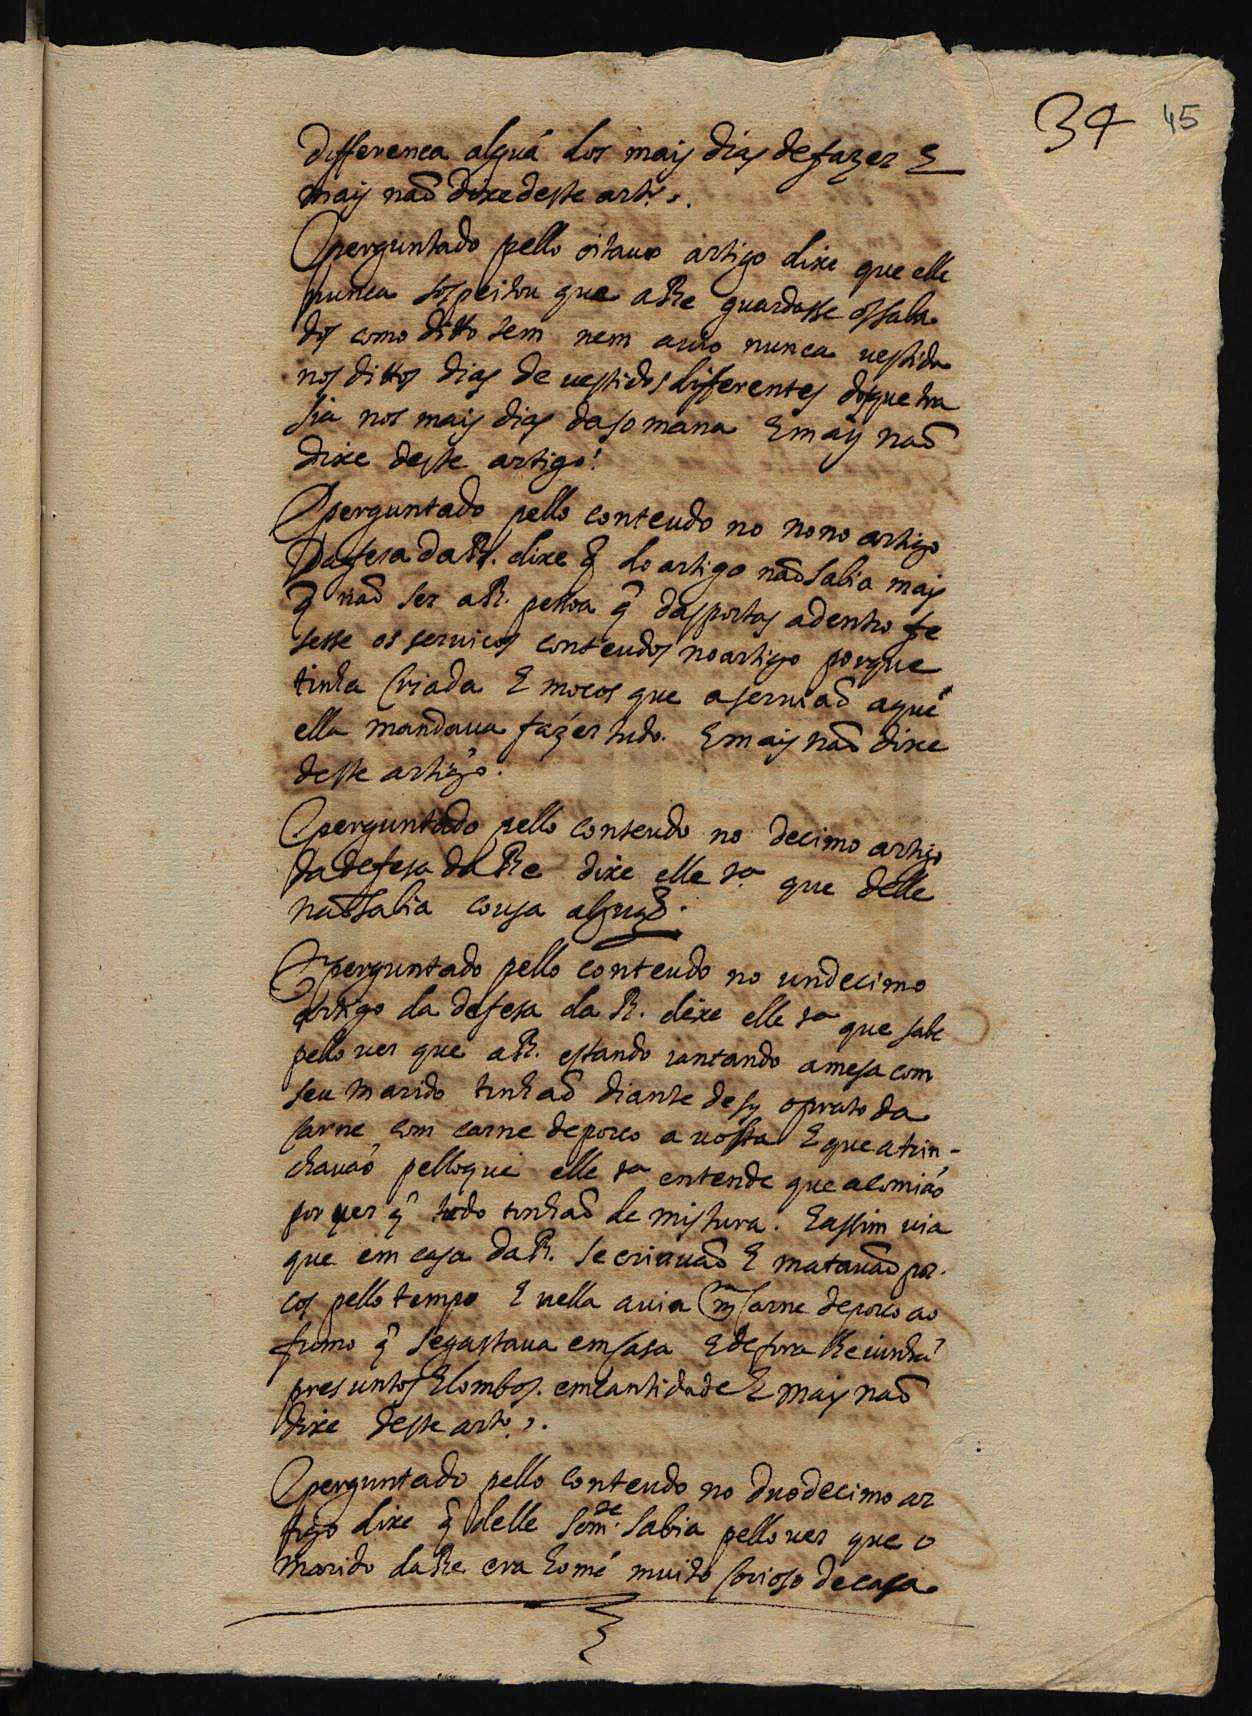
differença alguā dos mais dias de fazer E
mais naõ dixe deste art.o
E perguntado pello oitauo artigo disse que elle
nunca sospeitou que a Re guardasse os saba
dos como ditto tem nem a uio nunca uestida
nos dittos dias de uestidos differentes do que tra
sia nos mais dias da somana E mais naõ
dixe deste artigo?
E perguntado pello conteudo no nono artigo
Dafeza da R. dixe q̄ do artigo naõ sabia mais
q̄ não ser a R. pessoa q̄ das portas adentro fe
sesse os seruiços conteudos no artigo porque
tinha Criada E moços que a seruião a quē
ella mandaua fazer tudo. E mais naõ dixe
deste artigo.
E perguntado pello conteudo no decimo artigo
da defesa da Re dixe elle t.a que delle
naõ sahia cousa alguā.
E perguntado pello conteudo no undecimo
artigo da defesa da R. dixe elle ta que sabe
pello uer que a R. estando iantando a mesa com
seu marido tinhaõ diante de sy o prato da
Carne, com carne de porco a uolta E que a trin
chauaõ pello que elle t.a entende que a comiaõ
por uer q̄ tudo tinhaõ de mistura. E assim uia
que em casa da R. se criauão E matauaõ por
cos pello tempo E nella auia mta Carne de porco ao
fumo q̄ se gastaua em Casa E de fora lhe uinhā
presuntos E lombos. em cantidade E mais naõ
dixe deste arto.
E perguntado pello conteudo no duodecimo ar
tigo dixe q̄ delle som.te sabia pello uer que o
marido da Re era homē muito Corioso de casa
